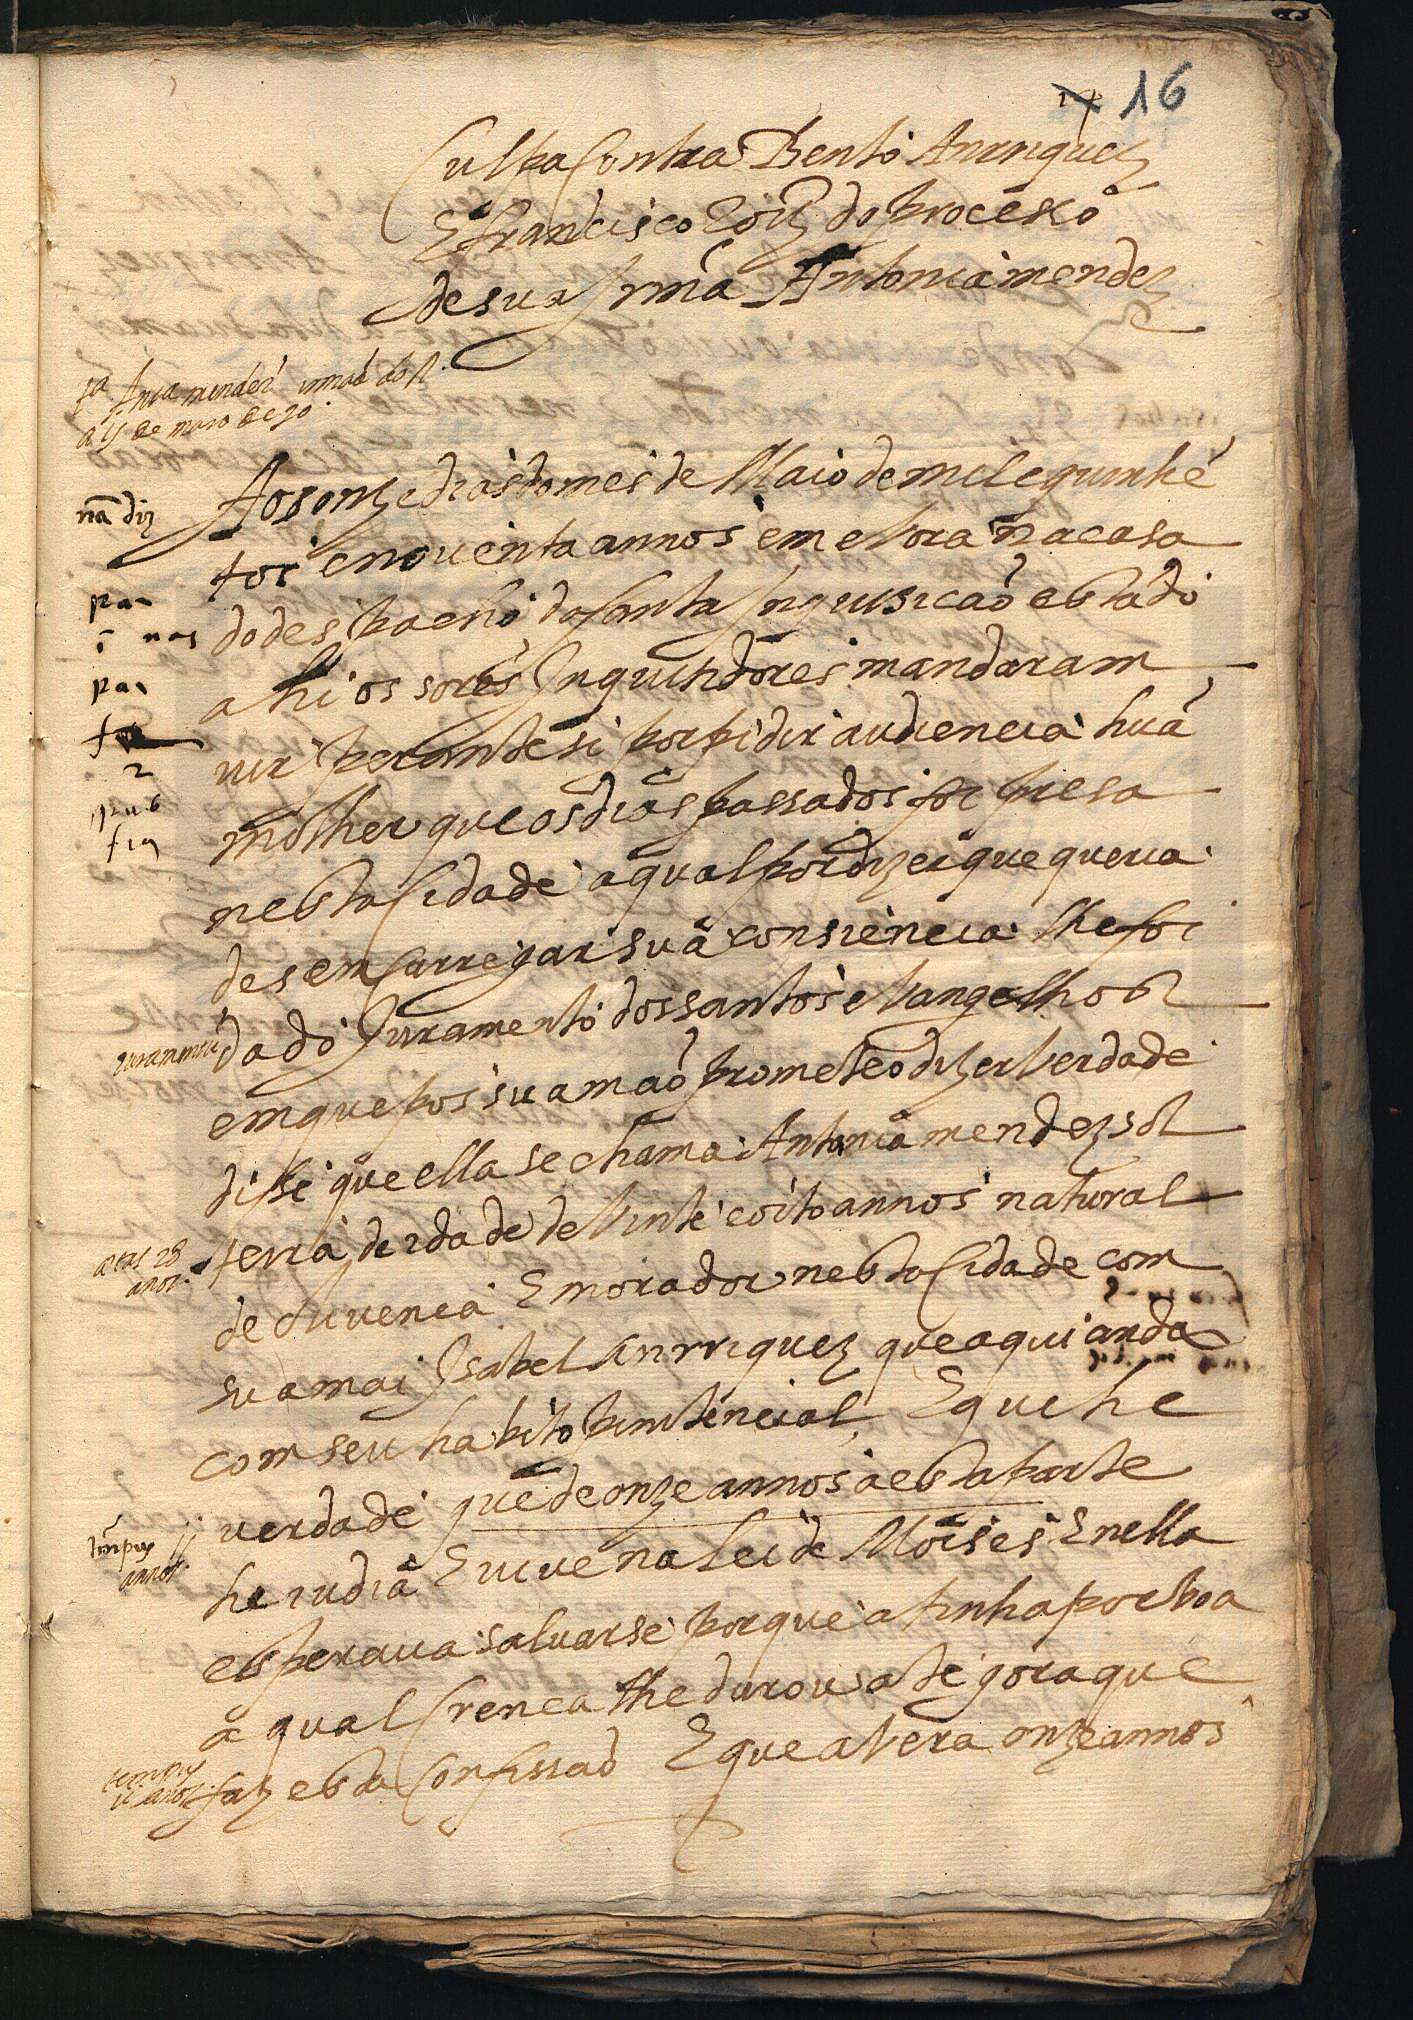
Culpa Contra Bento Anrriquez
E francisco Roiz̄ do processo
de sua Jrmã Antonia mendez
ta Anna mendez irmaã do R
a 11 de Maio de 90
Aos onze dias do mes de Maio de mil e quinhē
nā diz
tos e nouenta annos em evora na casa
pa.
do despacho da Santa Jnquisiçaõ estādo
ē nas
ahi os sorēs Jnquisidores mandaram
pa.
t_
uir perante si por pidir audiencia huā
2
p 11.6
molher que os dias passados foi presa
t 19
nesta Cidade a qual por dizer que queria
desemCarregar sua consiencia lhe foi
dado Juramento dos santos evangelhos
iuramentu
em que pos sua maõ prometeo dizer verdade
disse que ella se chama Antonia mendez sol
teira de idade de vinte e oito annos natural
aetas 28
anos
de oliuença E morador nesta Cidade com
sua mai Jsabel anrriquez que aqui anda
com seu habito penitencial, E que he
uerdade que de onze annos a esta parte
tm̄pus
annos
he iudia E uiue na Lei de Moises E nella
esperaua saluarse porque a tinha por boa
a qual Crença lhe durou ategora que
faz esta Confissaõ E que avera onze annos
tempus
11 anos
